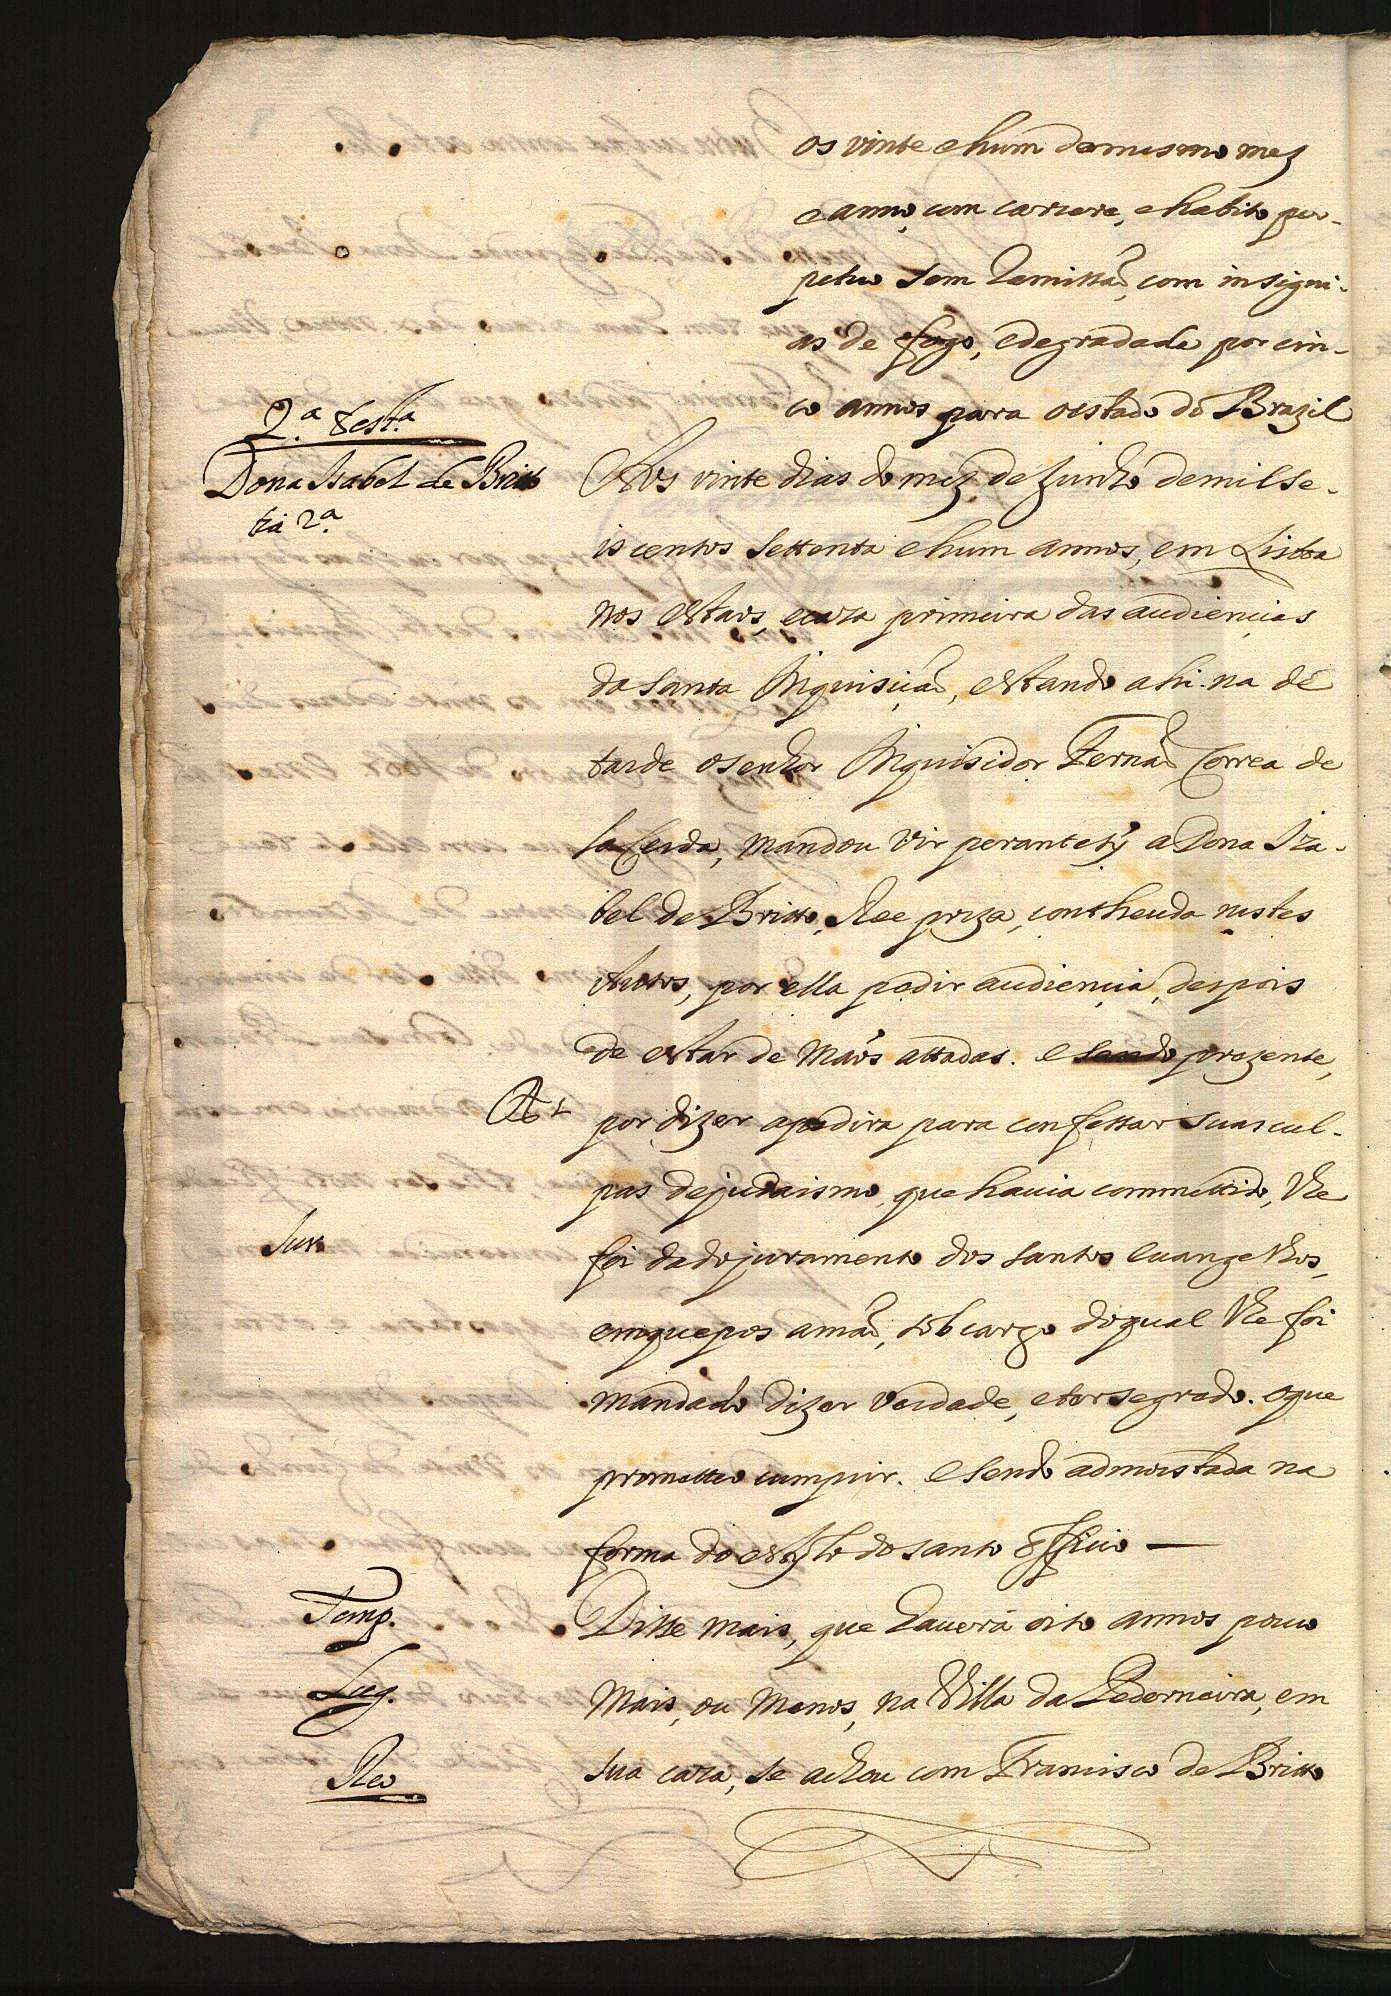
os vinte e hum do mesmo mez
e anno, com carcere, e habito per
petuo sem Remissaõ, com insigni
as de fogo, e degradada por cin
co annos para o estado do Brazil
2.a test.a
Dona Isabel de Britto
Aos vinte dias do mez de Junho de mil se
tia 2.a
iscentos settenta e hum annos, em Lisboa
nos estaos, e caza primeira das audiencias
da santa Inquisiçaõ, estando ahi na de
tarde o senhor Inquisidor Fernaõ Correa de
LaCerda, mandou vir perante sy a Dona Iza
bel de Britto, Ree preza, contheuda nestes
Autos, por ella pedir audiencia, despois
de estar de maõs attadas. E sendo prezente,
por dizer a pedira para confessar suas cul
pas de judaismo, que hauia commettido, lhe
Iur
foi dado juramento dos santos euangelhos,
em que pos a maõ, sob cargo do qual lhe foi
mandado dizer verdade, e ter segredo o que
prometteo cumprir. E sendo admoestada na
forma do estylo do santo officio
Temp.
Disse mais, que hauerá oito annos pouco
Lug.
mais, ou menos, na Villa da Pederneira, em
sua caza, se achou com Francisco de Britto
Reo
